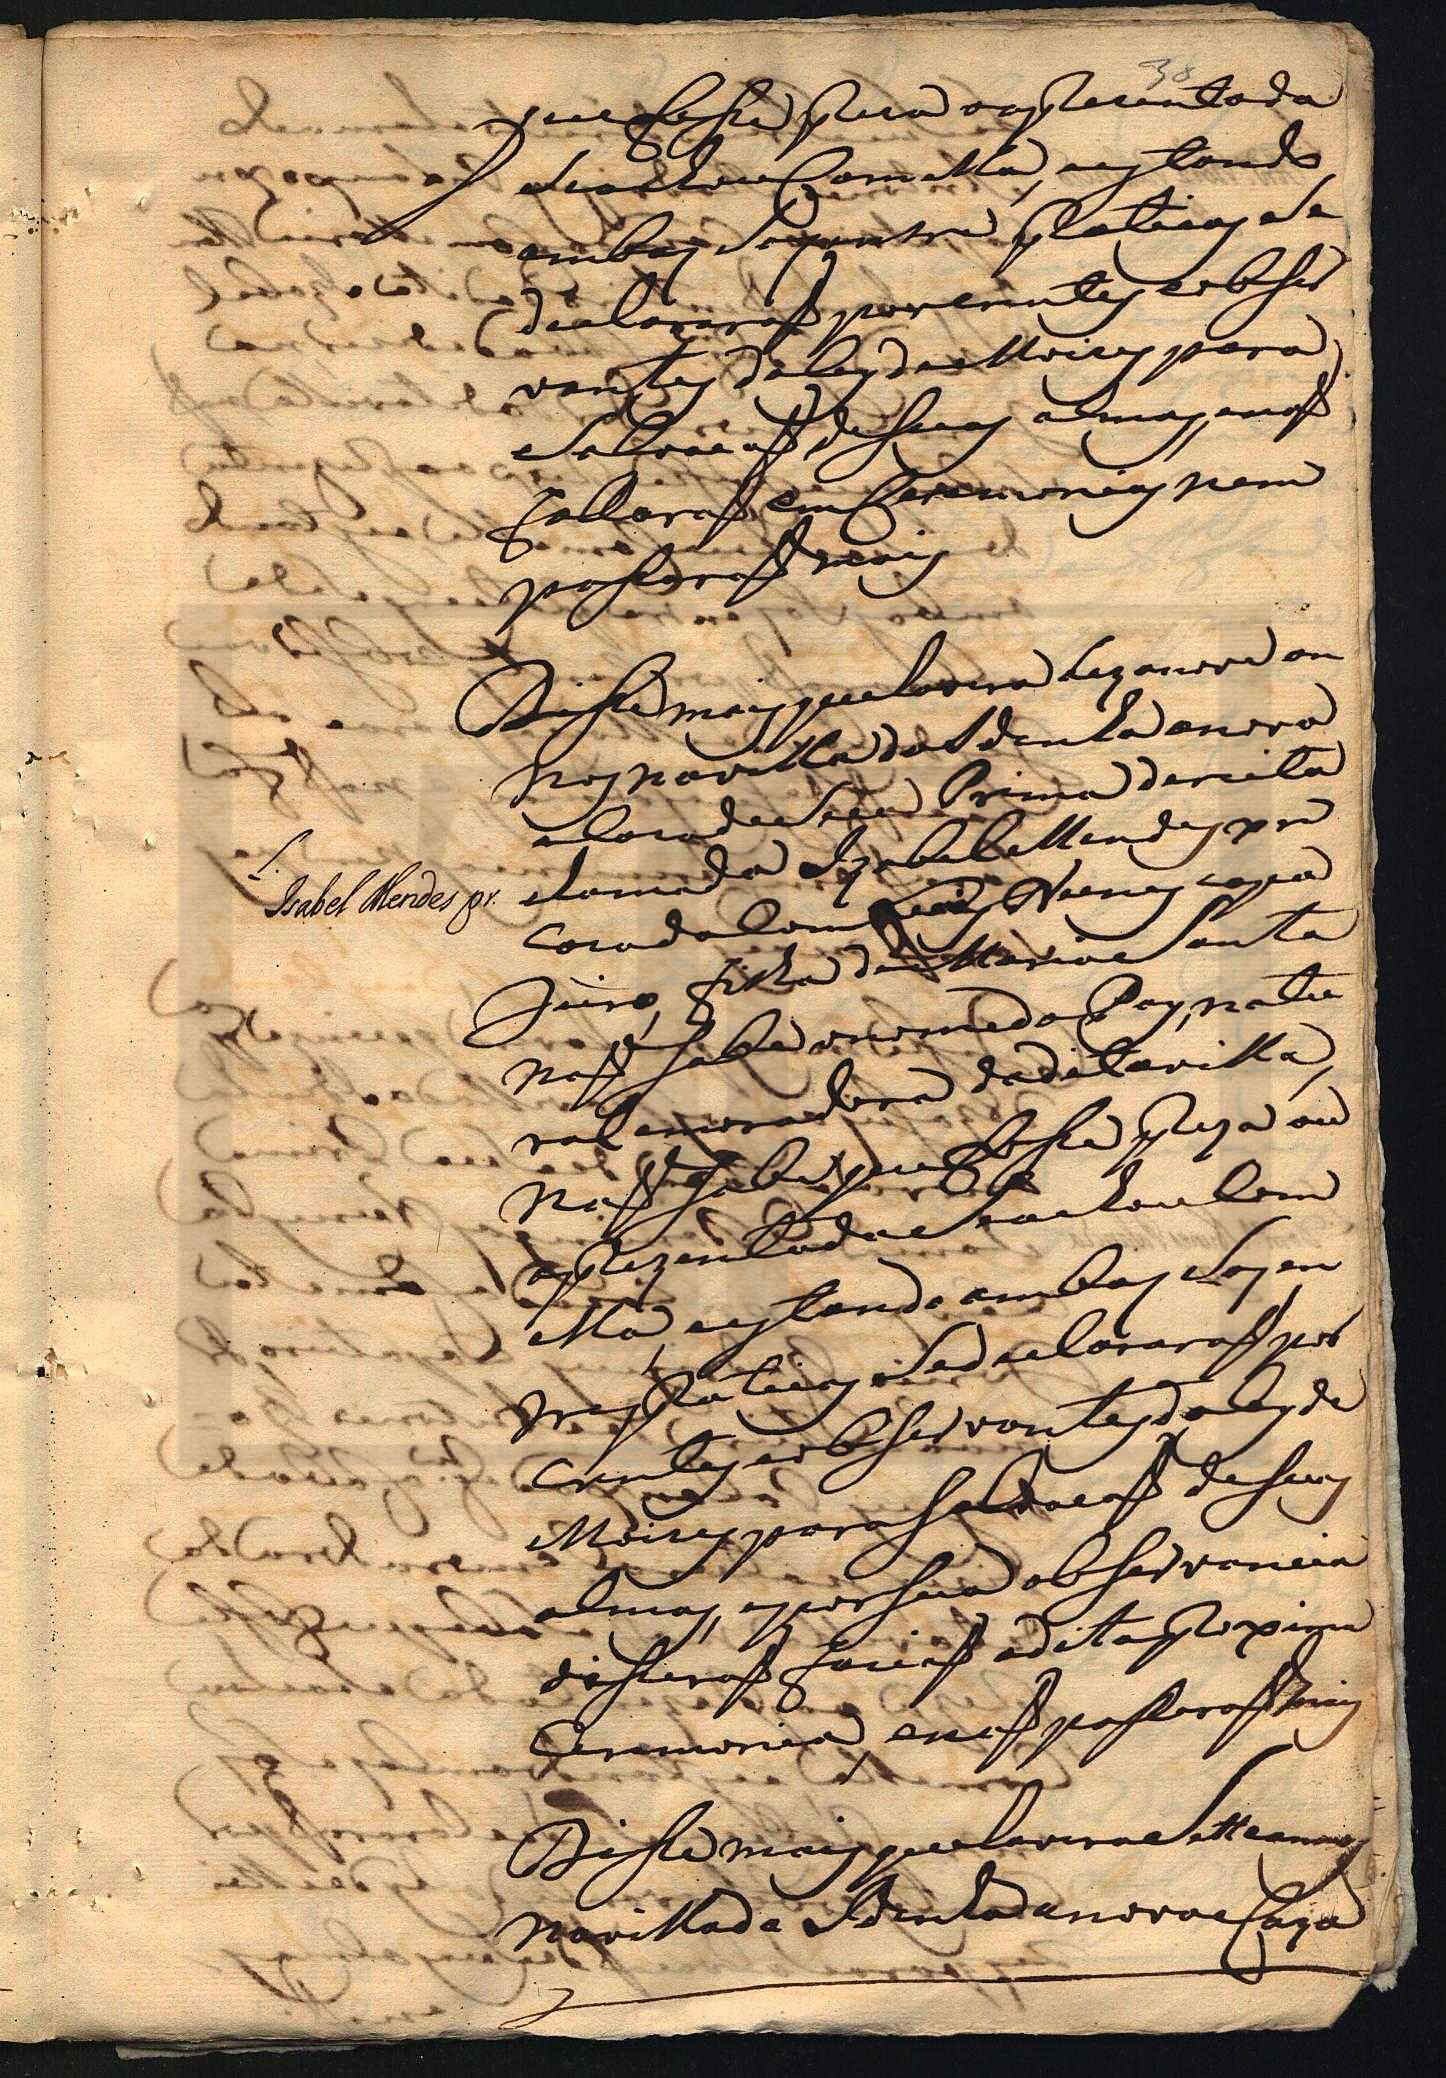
que fosse pReza o apRezentada
se achou Com ella, e estando
ambas sos entre pRaticas se
declararaõ por crentes e obser
vantes da ley de Moizes para
salvaçaõ de suas almas, e naõ
fallaraõ em Ceremonias nem
passaraõ mais
Disse mais que havera dezanove an
nos na villa da Idanha a nova
e Caza de Sua Prima direita
L.
Isabel Mendes pr.
chamada Izabel Mendes x n
cazada Com Luis Nunes capa
teiro, filha de Maria Santa
naõ sabe o nome do Pay, natu
ral e moradora da dita villa,
naõ sabe que fosse preza ou
aprezentada se achou Com
ella, e estando ambas Sos en
tre pRaticas se declararaõ por
crentes e observantes da Ley de
Moizes para salvacaõ de suas
almas, e por sua observancia
disseraõ faziaõ a dita pRoxima
Ceremonia, e naõ passaraõ mais
Disse mais que havera sette annos
na villa de Idanha a nova e Caza
